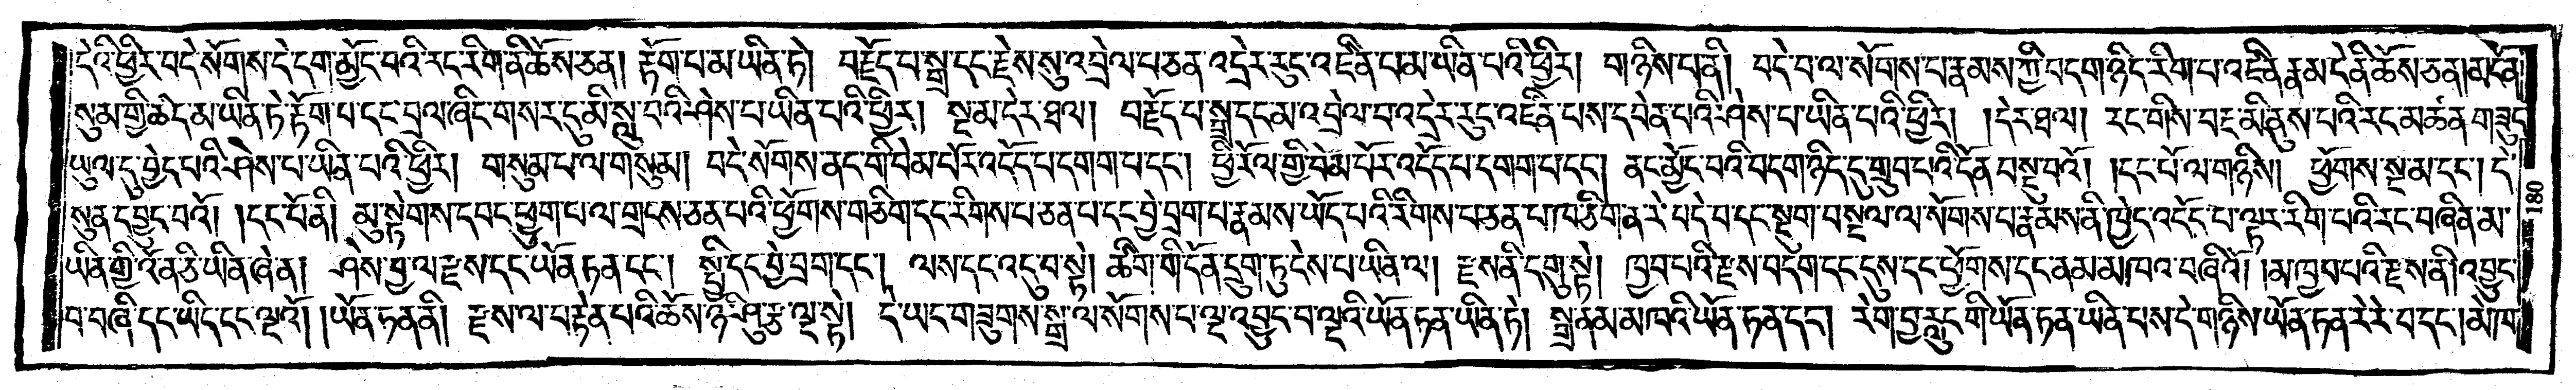དེའི་ཕྱིར་བདེ་སོགས་དེ་དག་མྱོང་བའི་རང་རིག་ནི་ཆོས་ཅན། རྟོག་པ་མ་ཡིན་ཏེ། བརྗོད་པ་སྒྲ་དང་རྗེས་སུ་འབྲེལ་པ་ཅན་འདྲེར་རུང་འཛིན་པ་མ་ཡིན་པའི་ཕྱིར། གཉིས་པ་ནི། བདེ་བ་ལ་སོགས་པ་རྣམས་ཀྱི་བདག་ཉིད་རིག་པ་འཛིན་རྣམ་དེ་ནི་ཆོས་ཅན། མངོན་
སུམ་གྱི་ཚད་མ་ཡིན་ཏེ་རྟོག་པ་དང་བྲལ་ཞིང་གསར་དུ་མི་སླུ་བའི་ཤེས་པ་ཡིན་པའི་ཕྱིར། སྔ་མ་དེར་ཐལ། བརྗོད་པ་སྒྲ་དང་མ་འབྲེལ་བ་འདྲེར་རུང་འཛིན་པས་དབེན་པའི་ཤེས་པ་ཡིན་པའི་ཕྱིར། །དེར་ཐལ། རང་གིས་བརྡ་མི་ནུས་པའི་རང་མཚན་གཟུང་
ཡུལ་དུ་བྱེད་པའི་ཤེས་པ་ཡིན་པའི་ཕྱིར། གསུམ་པ་ལ་གསུམ། བདེ་སོགས་ནང་གི་བེམ་པོར་འདོད་པ་དགག་པ་དང་། ཕྱི་རོལ་གྱི་བེམ་པོར་འདོད་པ་དགག་པ་དང་། ནང་མྱོང་བའི་བདག་ཉིད་དུ་གྲུབ་པའི་དོན་བསྡུ་བའོ། །དང་པོ་ལ་གཉིས། ཕྱོགས་སྔ་མ་དང་། དེ་
སུན་དབྱུང་བའོ། །དང་པོ་ནི། མུ་སྟེགས་དབང་ཕྱུག་པ་ལ་གྲངས་ཅན་པའི་ཕྱོགས་གཅིག་དང་རིགས་པ་ཅན་པ་དང་བྱེ་བྲག་པ་རྣམས་ཡོད་པའི་རིགས་པ་ཅན་པ་ཁ་ཅིག་ན་རེ་བདེ་བ་དང་སྡུག་བསྔལ་ལ་སོགས་པ་རྣམས་ནི་ཁྱེད་འདོད་པ་ལྟར་རིག་པའི་རང་བཞིན་མ་
ཡིན་གྱི་འོ་ན་ཅི་ཡིན་ཞེ་ན། ཤེས་བྱ་ལ་རྫས་དང་ཡོན་ཏན་དང་། སྤྱི་དང་བྱེ་བྲག་དང་། ལས་དང་འདུ་བ་སྟེ། ཚིག་གི་དོན་དྲུག་ཏུ་ངེས་པ་ཡིན་ལ། རྫས་ནི་དགུ་སྟེ། ཁྱབ་པའི་རྫས་བདག་དང་དུས་དང་ཕྱོགས་དང་ནམ་མཁའ་བཞིའོ། །མ་ཁྱབ་པའི་རྫས་ནི། འབྱུང་
བ་བཞི་དང་ཡིད་དང་ལྔའོ། །ཡོན་ཏན་ནི། རྫས་ལ་བརྟེན་པའི་ཆོས་ཉི་ཤུ་རྩ་ལྔ་སྟེ། དེ་ཡང་གཟུགས་སྒྲ་ལ་སོགས་པ་ལྔ་འབྱུང་བ་ལྔའི་ཡོན་ཏན་ཡིན་ཏེ། སྒྲ་ནམ་མཁའི་ཡོན་ཏན་དང་། རེག་བྱ་རླུང་གི་ཡོན་ཏན་ཡིན་པས་དེ་གཉིས་ཡོན་ཏན་རེ་རེ་པ་དང་། མེ་ཁ་